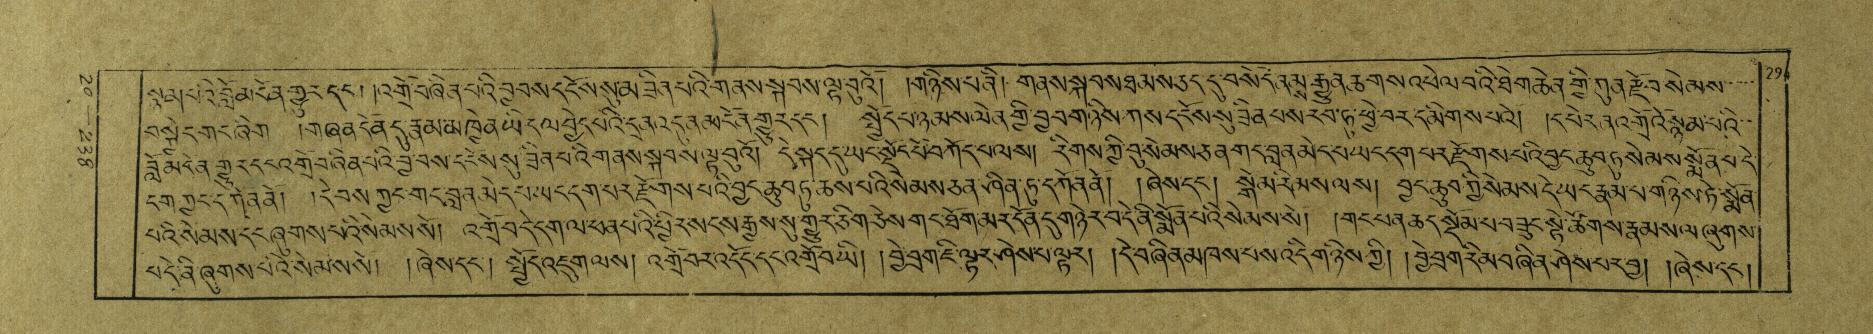སྙམ་པའི་བློ་མངོན་གྱུར་དང་། །འགྲོ་བཞིན་པའི་བྱ་བས་དངོས་སུ་མ་ཟིན་པའི་གནས་སྐབས་ལྟ་བུའོ། །གཉིས་པ་ནི། གནས་སྐབས་ཐམས་ཅད་དུ་བསོད་ནམས་རྒྱུན་ཆགས་འཕེལ་བའི་ཐེག་ཆེན་གྱི་ཀུན་རྫོབ་སེམས་
བསྐྱེད་གང་ཞིག །གཞན་དོན་དུ་རྣམ་མཁྱེན་ཡིད་ལ་བྱེད་པའི་དྲན་འདུན་མངོན་གྱུར་དང་། སྤྱོད་པ་ཉམས་ལེན་གྱི་བྱ་བ་གཉིས་ཀས་དངོས་སུ་ཟིན་པས་རབ་ཏུ་ཕྱེ་བར་དམིགས་པའོ། །དཔེར་ན་འགྲོའོ་སྙམ་པའི་
བློ་མངོན་གྱུར་དང་འགྲོ་བཞིན་པའི་བྱ་བས་དངོས་སུ་ཟིན་པའི་གནས་སྐབས་ལྟ་བུའོ། དེ་སྐད་དུ་ཡང་སྡོང་པོ་བཀོད་པ་ལས། རིགས་ཀྱི་བུ་སེམས་ཅན་གང་བླན་མེད་པ་ཡང་དག་པར་རྫོགས་པའི་བྱང་ཆུབ་ཏུ་སེམས་སྨོན་པ་དེ་
དག་ཀྱང་དཀོན་ནོ། །དེ་བས་ཀྱང་གང་བླ་ན་མེད་པ་ཡང་དག་པར་རྫོགས་པའི་བྱང་ཆུབ་ཏུ་ཆས་པའི་སེམས་ཅན་ཤིན་ཏུ་དཀོན་ནོ། །ཞེས་དང་། སྒོམ་རིམས་ལས། བྱང་ཆུབ་ཀྱི་སེམས་དེ་ཡང་རྣམ་པ་གཉིས་ཏེ་སྨོན་
པའི་སེམས་དང་ཞུགས་པའི་སེམས་སོ། འགྲོ་བ་དེ་དག་ལ་ཕན་པའི་ཕྱིར་སངས་རྒྱས་སུ་གྱུར་ཅིག་ཅེས་གང་ཐོག་མར་དོན་དུ་གཉེར་བ་དེ་ནི་སྨོན་པའི་སེམས་སོ། །གང་ཕན་ཆད་སྡོམ་པ་བཟུང་སྟེ་ཚོགས་རྣམས་ལ་ཞུགས་
པ་དེ་ནི་ཞུགས་པའི་སེམས་སོ། །ཞེས་དང་། སྤྱོད་འཇུག་ལས། འགྲོ་བར་འདོད་དང་འགྲོ་བ་ཡི། །བྱེ་བྲག་ཇི་ལྟར་ཤེས་པ་ལྟར། །དེ་བཞིན་མཁས་པས་འདི་གཉིས་ཀྱི། །བྱེ་བྲག་རིམ་བཞིན་ཤེས་པར་བྱ། །ཞེས་དང་།